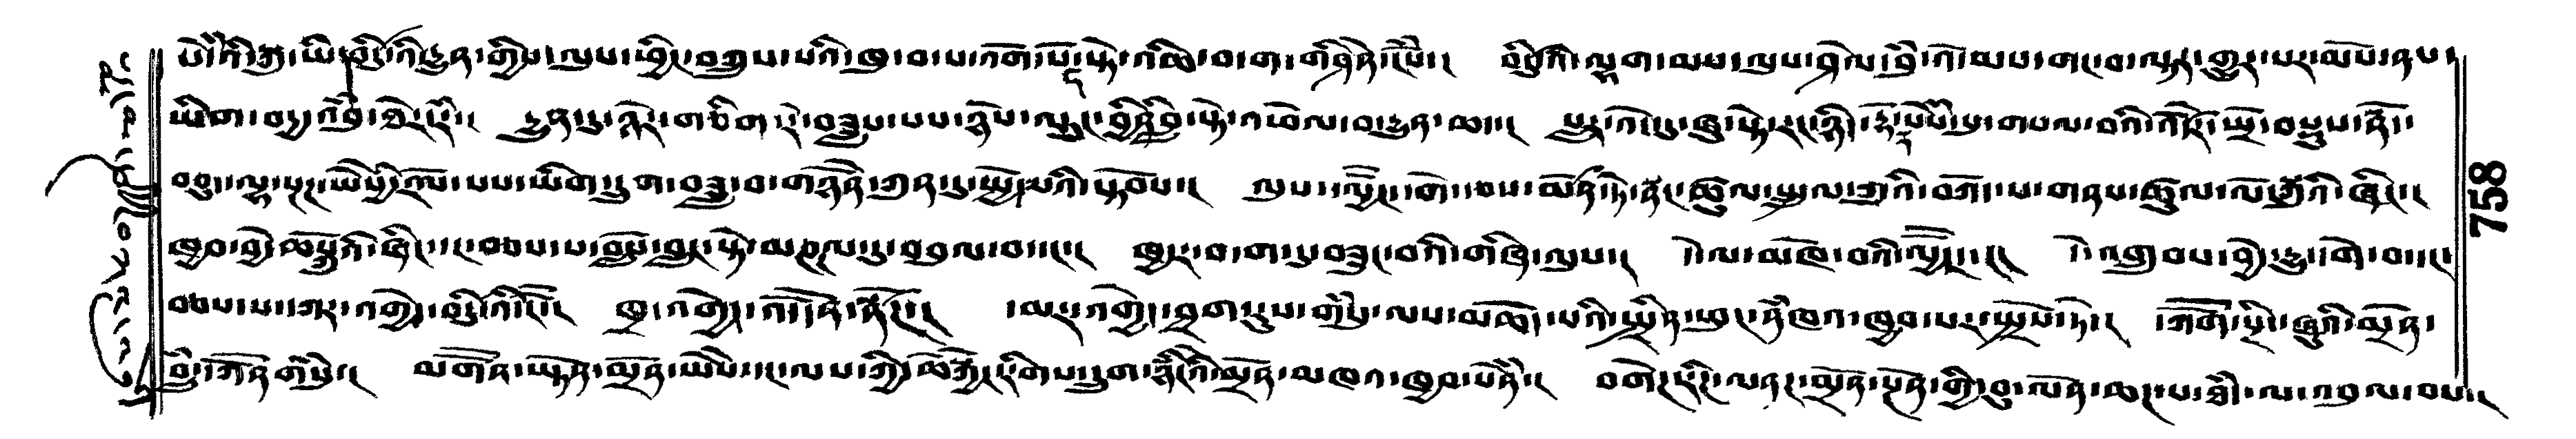སེམས་དཔའི་སྐུ་ཡི་བདུད་རྩིའི་རྒྱུན་གྱིས་ལུས་ཕྱི་ནང་བཀྲུས་པའི་ཁུ་བ་ས་འོག་སོད་དེ་འཆི་བདག་གཤིན་རྗེ་ངོམས། བདུད་རྩིའི་ལྷག་མས་ལུས་ཤེལ་བུམ་འོ་མས་གང་བ་ལྟར་གྱུར་པར་མོས་ནས་
ཡིག་བརྒྱ་འབུམ་ཐེར་རམ། རྒྱུན་དུ་ཉེར་གཅིག་རེ་བཟླས་པས་ཉེས་ལྟུང་བྱིན་གྱིས་རླབས་ཏེ་འཕེལ་བ་རྒྱུན་ཆད། སླར་འོད་དུ་ཞུ་སྟེ་རང་ཉིད་རྡོར་སེམས་སུ་གསལ་བའི་འོད་ཟེར་སྤྲོ་བསྡུས་སྣོད་
བཅུད་ལྷ་སྔགས་ཡེ་ཤེས་ཀྱི་རོལ་པས་ཡིག་དྲུག་བཟླ་བ་གཉེན་པོ་ཀུན་དུ་སྤྱོད་པའི་སྟོབས། ལུས་ལོངས་སྤྱོད་དགེ་རྩས་མཚོན་ཏེ་སྣང་ཚུལ་སྤྲུལ་སྐུའི་བཀོད་པ། གནས་ཚུལ་ལོངས་སྐུའི་ཞིང་། 
ཁྱབ་བྱེད་ཆོས་སྐུའི་ཞིང་དང་བཅས་པ་བློས་བླངས་ཏེ་མཎྜལ་དུ་འབུལ་བ་དང་། ཁྱད་པར་བདག་ཏུ་བཟུང་བའི་གཞི་ལུས། དེ་ལ་མཁོ་བའི་ལོངས་སྤྱོད་དང་། དེ་གྲུབ་བྱེད་རྒྱུ་དགེ་བ་དང་
བཅས་པ་དཀར་འགྱེད་བདུད་རྩིའི་ངོ་བོ། ཁྲ་འགྱེད་འདོད་ཡོན་སྣ་ཚོགས། དམར་འགྱེད་ཤ་ཁྲག་རུས་གསུམ་ལས་མཆོད་པའི་སྤྲིན་ཕུང་ནམ་མཁའ་ཁྱབ་པར་སྤྲོས་ཏེ། དཀོན་མཆོག་སྲིད་ཞུའི་མགྲོན་
བླ་མ་དཀོན་མཆོག་གསུམ། མགོན་པོ་ཡོན་ཏན་མགྲོན་ཡེ་ཤེས་དང་ལས་ཀྱི་ཆོས་སྐྱོང་། རིགས་དྲུག་སྙིང་རྗེའི་མགྲོན་མཁའ་ཁྱབ་སེམས་ཅན། བགེགས་རིགས་ལན་ཆགས་མགྲོན་སྔོན་གྱི་བུ་ལོན་ཆགས་པ་ཐམས་ཅད་ལ་འཕུལ་བས།